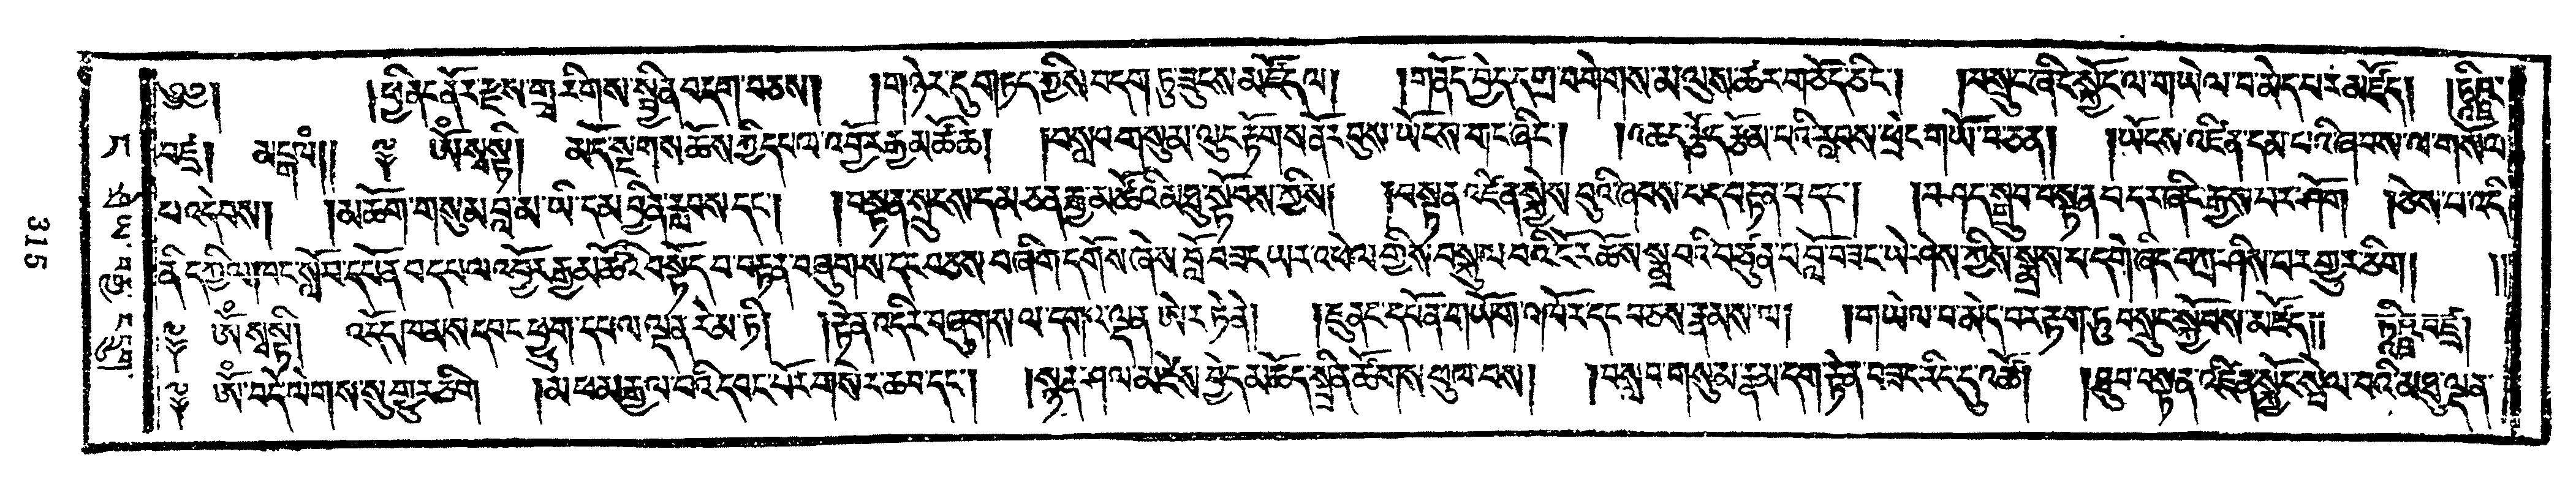༄༅། །ཕྱི་ནང་ནོར་རྫས་གྲྭ་རིགས་སྦྱིན་བདག་བཅས། །གཉེར་དུ་གཏད་གྱིས་བདག་ཏུ་ཟུངས་མཛོད་ལ། །གནོད་བྱེད་དགྲ་བགེགས་མ་ལུས་ཚར་གཅོད་ཅིང་། །བསྲུང་ཞིང་སྐྱོང་ལ་གཡེལ་བ་མེད་པར་མཛོད། །ཏཱཥཊཿཨི་
བཛྲ། མངྒལཾ།། ༈ ཨོཾ་སྭསྟི། མདོ་སྔགས་ཆོས་ཀྱི་དཔལ་འབྱོར་རྒྱ་མཚོ་ཆེ། །བསླབ་གསུམ་ལུང་རྟོགས་ནོར་བུས་ཡོངས་གང་ཞིང་། །འཆད་རྩོད་རྩོམ་པའི་རླབས་ཕྲེང་གཡོ་བ་ཅན། །ཡོངས་འཛིན་དམ་པའི་ཞབས་ལ་གསོལ་
པ་འདེབས། །མཆོག་གསུམ་བླ་མ་ཡི་དམ་བྱིན་རླབས་དང་། །བསྟན་སྲུངས་དམ་ཅན་རྒྱ་མཚོའི་མཐུ་སྟོབས་ཀྱིས། །བསྟན་འཛིན་སྐྱེས་བུའི་ཞབས་པད་བརྟན་པ་དང་། །བཤད་སྒྲུབ་བསྟན་པ་དར་ཞིང་རྒྱས་པར་ཤོག །ཅེས་པ་འདི་
ནི་དཀྱིལ་ཁང་སློབ་དཔོན་པ་དཔལ་འབྱོར་རྒྱ་མཚོའི་བསྟོད་བ་བརྟན་བཞུགས་དང་བཅས་བཞིག་དགོས་ཞེས་བློ་བཟང་ཡར་འཕེལ་གྱིས་བསྐུལ་བའི་ངོར་ཆོས་སྨྲ་བའི་བཙུན་པ་བློ་བཟང་ཡེ་ཤེས་ཀྱིས་སྨྲས་པ་དགེ་ཞིང་བཀྲ་ཤིས་པར་གྱུར་ཅིག། །།
༈ ཨོཾ་སྭསྟི། འདོད་ཁམས་དབང་ཕྱུག་དཔལ་ལྡན་རེམ་ཏི། །རྟེན་འདིར་བཞུགས་ལ་དགའ་ལྡན་ཨེར་ཏེ་ནེ། །ཇུ་ནང་དཔོན་གཡོག་འཁོར་དང་བཅས་རྣམས་ལ། །གཡེལ་བ་མེད་བར་རྟག་ཏུ་བསྲུང་སྐྱོབས་མཛོད། །ཏཱིཥཊཿཨ་བཛྲ།
༈ ཨོཾ་བདེ་ལེགས་སུ་གྱུར་ཅིག །མ་ཕམ་རྒྱལ་བའི་དབང་པོར་གསེར་ཆབ་དང་། །སྙན་ཤལ་མཛེས་བྱེད་མཆོད་སྤྲིན་ཚོགས་ཕུལ་བས། །བསླབ་གསུམ་རྣམ་དག་རྟེན་བཟང་རིང་དུ་འཚོ། །ཐུབ་བསྟན་འཛིན་སྐྱོང་སྤེལ་བའི་མཐུ་ལྡན་